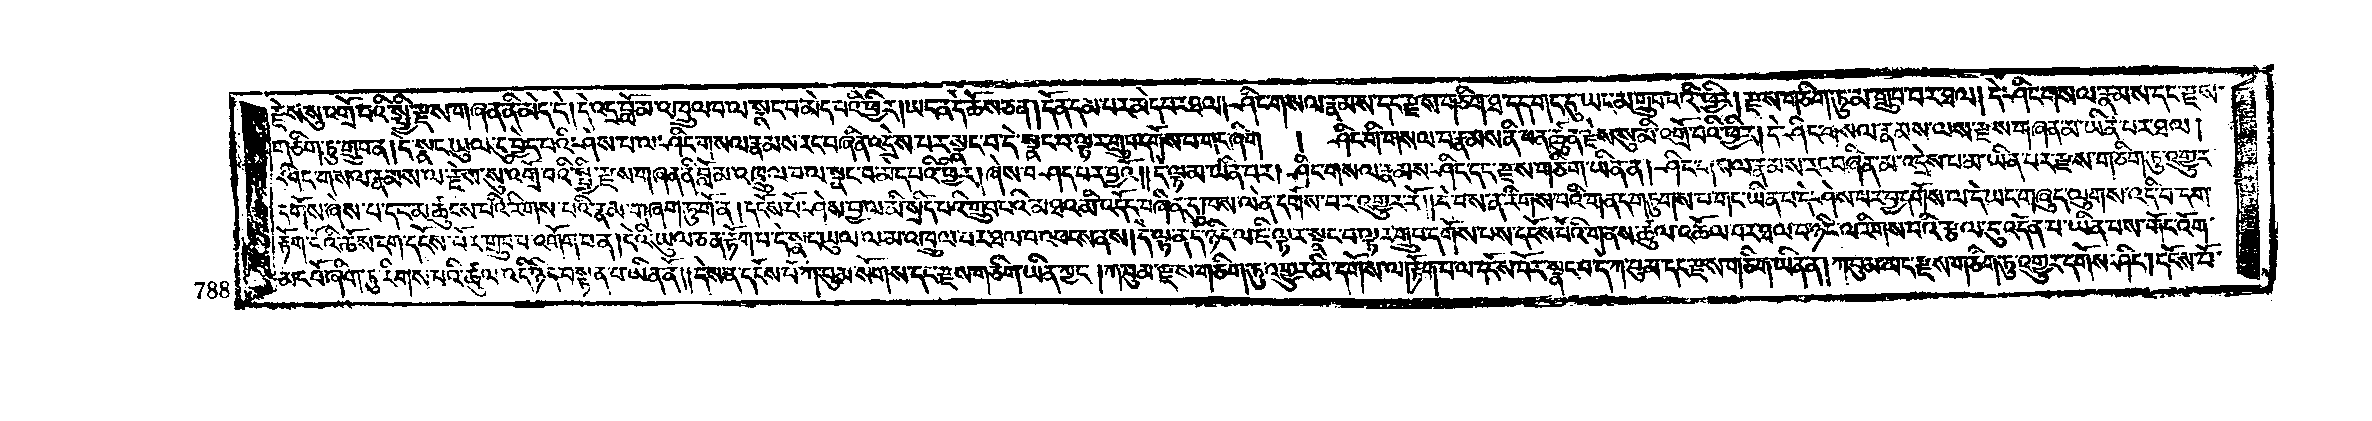རྗེས་སུ་འགྲོ་བའི་སྤྱི་རྫས་གཞན་ནི་མེད་དེ། དེ་འདྲ་བློ་མ་འཁྲུལ་བ་ལ་སྣང་བ་མེད་པའི་ཕྱིར། ཡང་ན་དེ་ཆོས་ཅན། དོན་དམ་པར་མེད་པར་ཐལ། ཤིང་གསལ་རྣམས་དང་རྫས་གཅིག་ཐ་དད་གང་དུ་ཡང་མ་གྲུབ་པའི་ཕྱིར། རྫས་གཅིག་ཏུ་མ་གྲུབ་པར་ཐལ། དེ་ཤིང་གསལ་རྣམས་དང་རྫས་
གཅིག་ཏུ་གྲུབ་ན། དེ་སྣང་ཡུལ་དུ་བྱེད་པའི་ཤེས་པ་ལ་ཤིང་གསལ་རྣམས་རང་བཞིན་འདྲེས་པར་སྣང་བ་དེ་སྣང་བ་ལྟར་གྲུབ་དགོས་པ་གང་ཞིག །ཤིང་གི་གསལ་བ་རྣམས་ནི་ཕན་ཚུན་རྗེས་སུ་མི་འགྲོ་བའི་ཕྱིར། དེ་ཤིང་གསལ་རྣམས་ལས་རྫས་གཞན་མ་ཡིན་པར་ཐལ།
ཤིང་གསལ་རྣམས་ལ་རྗེས་སུ་འགྲོ་བའི་སྤྱི་རྫས་གཞན་ནི་བློ་མ་འཁྲུལ་བ་ལ་སྣང་བ་མེད་པའི་ཕྱིར། ཞེས་བཤད་པར་བྱའོ། །དེ་ལྟ་མ་ཡིན་པར། ཤིང་གསལ་རྣམས་ཤིང་དང་རྫས་གཅིག་ཡིན་ན། ཤིང་གསལ་རྣམས་རང་བཞིན་མ་འདྲེས་པ་མ་ཡིན་པར་རྫས་གཅིག་ཏུ་འགྱུར་
དགོས་ཞེས་པ་དང་མཚུངས་པའི་རིགས་པའི་རྣམ་གཞག་ཏུ་གོ་ན། དངོས་པོ་ཤེས་བྱ་ལ་མི་སྲིད་པའི་གྲུབ་པའི་མཐའ་མི་འདོད་བཞིན་དུ་ཁས་ལེན་དགོས་པར་འགྱུར་རོ། །དེ་བས་ན་རིགས་པའི་གནད་གཏུགས་པ་གང་ཡིན་པ་དེ་ཤེས་པར་བྱ་དགོས་ལ་དེ་ཡང་གཞུང་ལུགས་འདི་བདག་
རྟོག་པའི་ཆོས་དག་དངོས་པོར་གྲུབ་པ་འགོག་པ་ན། དེའི་ཡུལ་ཅན་རྟོག་ངོའི་སྣང་ཡུལ་ལ་མ་འཁྲུལ་པར་ཐལ་བ་འཕངས་ནས། དེ་ལྟ་ན་དེ་ཉིད་ལ་ཇི་ལྟར་སྣང་བ་ལྟར་གྲུབ་དགོས་པས་དངོས་པོའི་གནས་ཚུལ་འཆོལ་བར་ཐལ་བ་ཉིད་ལ་རིགས་པའི་རྩལ་དུ་འདོན་པ་ཡིན་པས་གོང་འོག་
མང་པོ་ཞིག་ཏུ་རིགས་པའི་ཚུལ་འདི་ཉིད་བསྟན་པ་ཡིན་ནོ། །དེས་ན་དངོས་པོ་ཀ་བུམ་སོགས་དང་རྫས་གཅིག་ཡིན་ཀྱང་། ཀ་བུམ་རྫས་གཅིག་ཏུ་འགྱུར་མི་དགོས་ལ། རྟོག་པ་ལ་དངོས་པོར་སྣང་བ་དེ་ཀ་བུམ་དང་རྫས་གཅིག་ཡིན་ན། ཀ་བུམ་མང་རྫས་གཅིག་ཏུ་འགྱུར་དགོས་ཤིང་། དངོས་པོ་